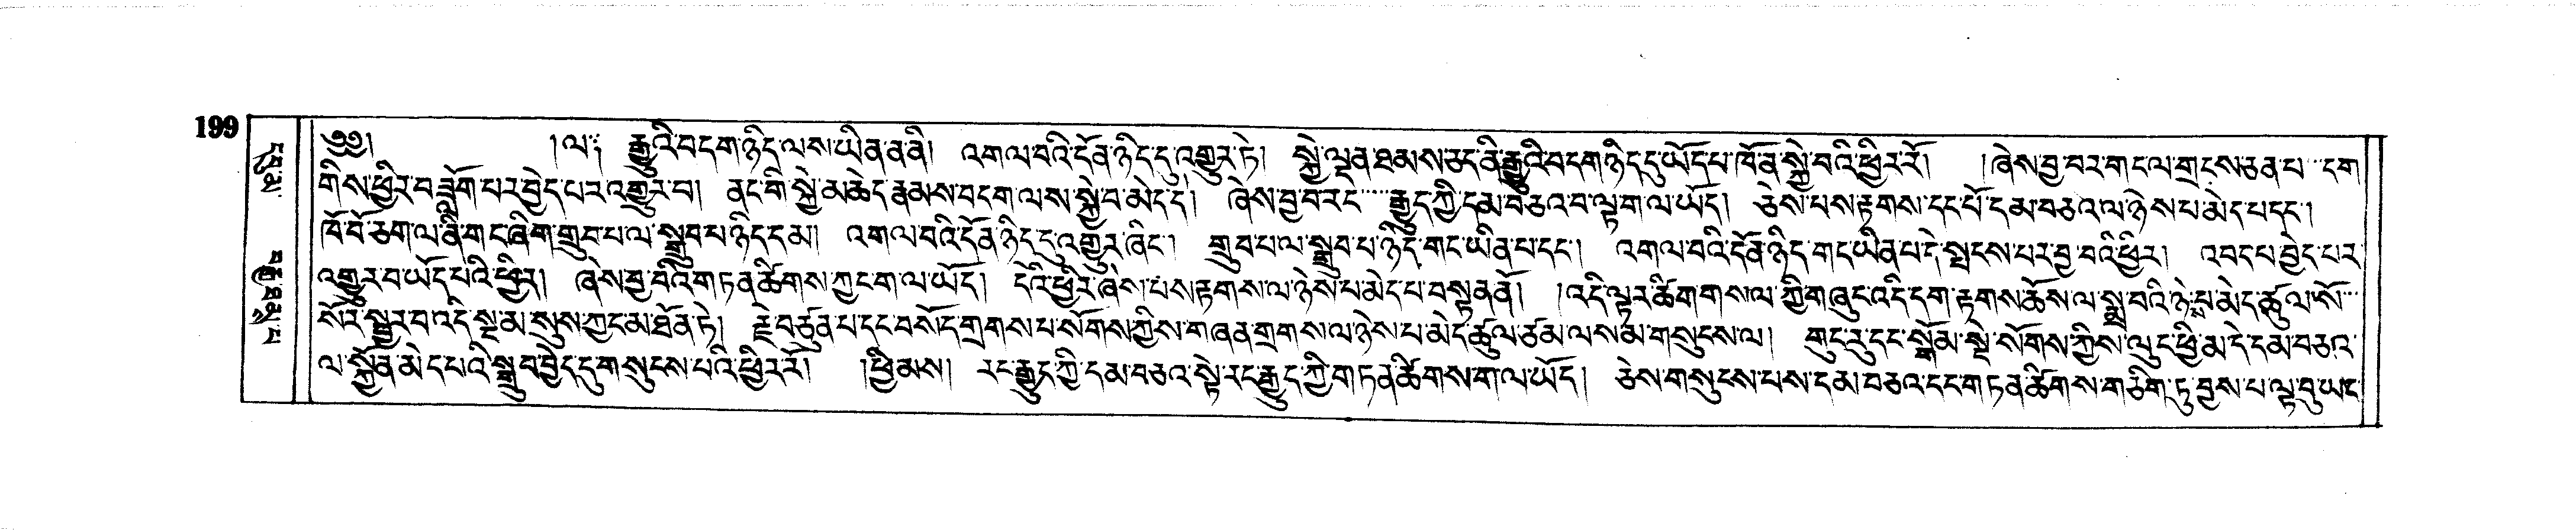༄༅། །ལ༑ རྒྱུའི་བདག་ཉིད་ལས་ཡིན་ན་ནི། འགལ་བའི་དོན་ཉིད་དུ་འགྱུར་ཏེ། སྐྱེ་ལྡན་ཐམས་ཅད་ནི་རྒྱུའི་བདག་ཉིད་དུ་ཡོད་པ་ཁོ་ན་སྐྱེ་བའི་ཕྱིར་རོ། །ཞེས་བྱ་བར་གང་ལ་གྲངས་ཅན་པ་དག་
གིས་ཕྱིར་བཟློག་པར་བྱེད་པར་འགྱུར་བ། ནང་གི་སྐྱེ་མཆེད་རྣམས་བདག་ལས་སྐྱེ་བ་མེད་དེ། ཞེས་བྱ་བ་རང་རྒྱུད་ཀྱི་དམ་བཅའ་བ་ལྟག་ལ་ཡོད། ཅེས་པས་རྟགས་དང་པོ་དམ་བཅའ་ལ་ཉེས་པ་མེད་པ་དང་།
ཁོ་བོ་ཅག་ལ་ནི་གང་ཞིག་གྲུབ་པ་ལ་སྒྲུབ་པ་ཉིད་དམ། འགལ་བའི་དོན་ཉིད་དུ་འགྱུར་ཞིང་། གྲུབ་པ་ལ་སྒྲུབ་པ་ཉིད་གང་ཡིན་པ་དང་། འགལ་བའི་དོན་ཉིད་གང་ཡིན་པ་དེ་སྤངས་པར་བྱ་བའི་ཕྱིར། འབད་པ་བྱེད་པར་
འགྱུར་བ་ཡོད་པའི་ཕྱིར། ཞེས་བྱ་བའི་གཏན་ཚིགས་ཀྱང་ག་ལ་ཡོད། དེའི་ཕྱིར་ཞེས་པས་རྟགས་ལ་ཉེས་པ་མེད་པ་བསྟན་ནོ། །འདི་ལྟར་ཚིག་གསལ་གྱི་གཞུང་འདི་དག་རྟགས་ཆོས་ལ་སྨྲ་བའི་ཉེས་པ་མེད་ཚུལ་སོ་
སོར་སྦྱར་བ་འདི་སྔ་མ་སུས་ཀྱང་མ་ཐོན་ཏེ། རྗེ་བཙུན་པ་དང་བསོད་གྲགས་པ་སོགས་ཀྱིས་གཞན་གྲགས་ལ་ཉེས་པ་མེད་ཚུལ་ཙམ་ལས་མ་གསུངས་ལ། གུང་རུ་དང་སྒོམ་སྡེ་སོགས་ཀྱིས་ལུང་ཕྱི་མ་དེ་དམ་བཅའ་
ལ་སྐྱོན་མེད་པའི་སྒྲུབ་བྱེད་དུ་གསུངས་པའི་ཕྱིར་རོ། །ཕྱི་མས། རང་རྒྱུད་ཀྱི་དམ་བཅའ་སྟེ་རང་རྒྱུད་ཀྱི་གཏན་ཚིགས་ག་ལ་ཡོད། ཅེས་གསུངས་པས་དམ་བཅའ་དང་གཏན་ཚིགས་གཅིག་ཏུ་བྱས་པ་ལྟ་བུ་ཡང་